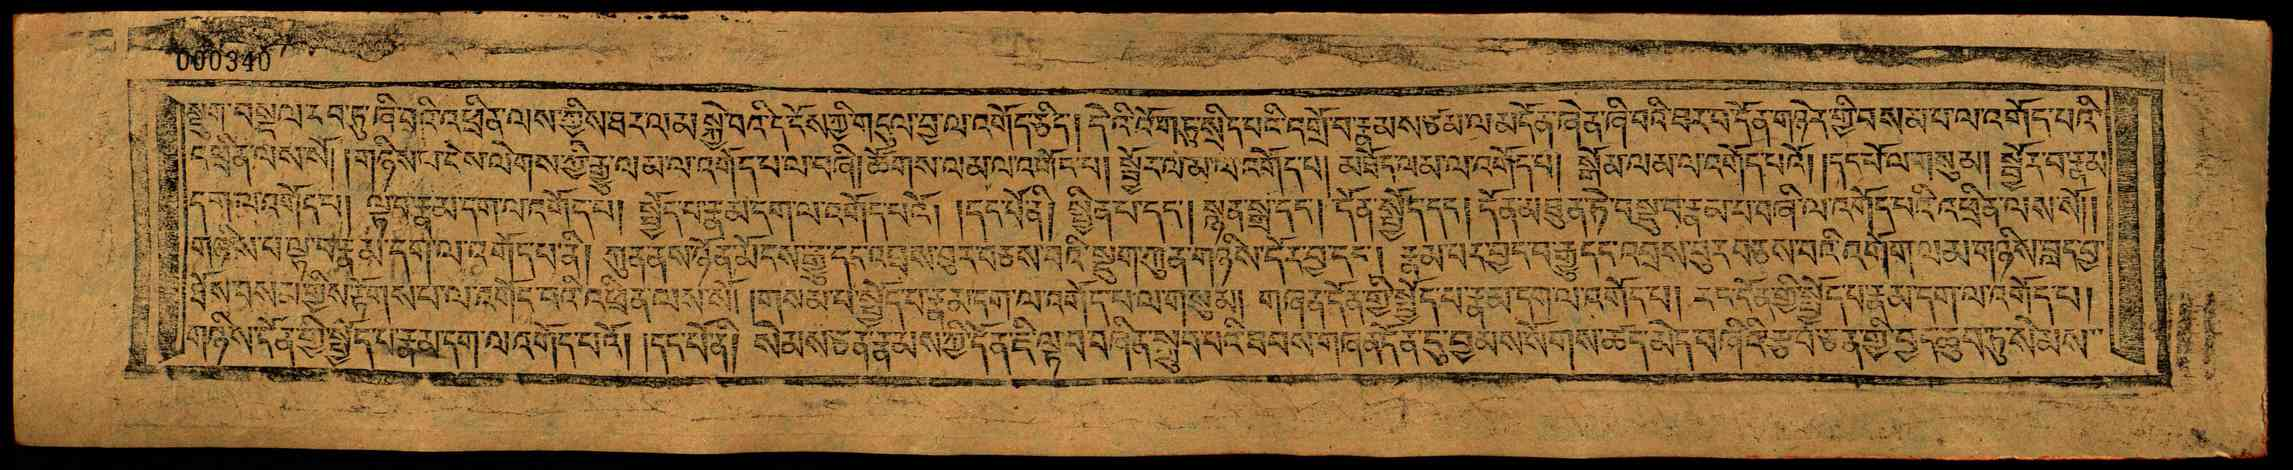སྡུག་བསྔལ་རབ་ཏུ་ཞི་བའི་འཕྲིན་ལས་ཀྱིས་ཐར་ལམ་སྐྱེ་བའི་དངོས་ཀྱི་གདུལ་བྱ་ལ་འགོད་ཅིང་། དེའི་འོག་ཏུ་སྲིད་པའི་འགྲོ་བ་རྣམས་ཙམ་ལ་མངོན་ཞེན་ཞི་བའི་ཐར་པ་དོན་གཉེར་གྱི་བསམ་པ་ལ་འགོད་པའི་
འཕྲིན་ལས་སོ། །གཉིས་པ་ངེས་ལེགས་ཀྱི་རྒྱུ་ལམ་ལ་འགོད་པ་ལ་བཞི། ཚོགས་ལམ་ལ་འགོད་པ། སྦྱོར་ལམ་ལ་འགོད་པ། མཐོང་ལམ་ལ་འགོད་པ། སྒོམ་ལམ་ལ་འགོད་པའོ། །དང་པོ་ལ་གསུམ། སྦྱོར་བ་རྣམ་
དག་ལ་འགོད་པ། ལྟ་བ་རྣམ་དག་ལ་འགོད་པ། སྤྱོད་པ་རྣམ་དག་ལ་འགོད་པའོ། །དང་པོ་ནི། སྦྱིན ༢་པ་དང་། སྙན་སྨྲ་དང་། དོན་སྤྱོད་དང་། དོན་མཐུན་ཏེ་བསྡུ་བ་རྣམ་པ་བཞི་ལ་འགོད་པའི་འཕྲིན་ལས་སོ། །
གཉིས་པ་ལྟ་བ་རྣམ་དག་ལ་འགོད་པ་ནི། ཀུན ༢་ནས་ཉོན་མོངས་རྒྱུ་དང་འབྲས་བུར་བཅས་པའི་སྡུག་ཀུན་གཉིས་དོར་བྱ་དང་། རྣམ་པར་བྱང་བ་རྒྱུ་དང་འབྲས་བུར་བཅས་པའི་འགོག་ལམ་གཉིས་བླང་བྱར་
ཐོས་བསམ་གྱིས་རྟོགས་པ་ལ་འགོད་པའི་འཕྲིན་ལས་སོ། །གསུམ་པ་སྤྱོད་པ་རྣམ་དག་ལ་འགོད་པ་ལ་གསུམ། གཞན་དོན་གྱི་སྤྱོད་པ་རྣམ་དག་ལ་འགོད་པ། རང་དོན་གྱི་སྤྱོད་པ་རྣམ་དག་ལ་འགོད་པ།
གཉིས་དོན་གྱི་སྤྱོད་པ་རྣམ་དག་ལ་འགོད་པའོ། །དང་པོ་ནི། སེམས་ཅན་རྣམས་ཀྱི་དོན་ཇི་ལྟ་བ་བཞིན་སྒྲུབ་པའི་ཐབས་གཞན་དོན་དུ་བྱམས་སོགས་ཚད་མེད་བཞིའི་རྩ་བ་ཅན་གྱི་བྱང་ཆུབ་ཏུ་སེམས་